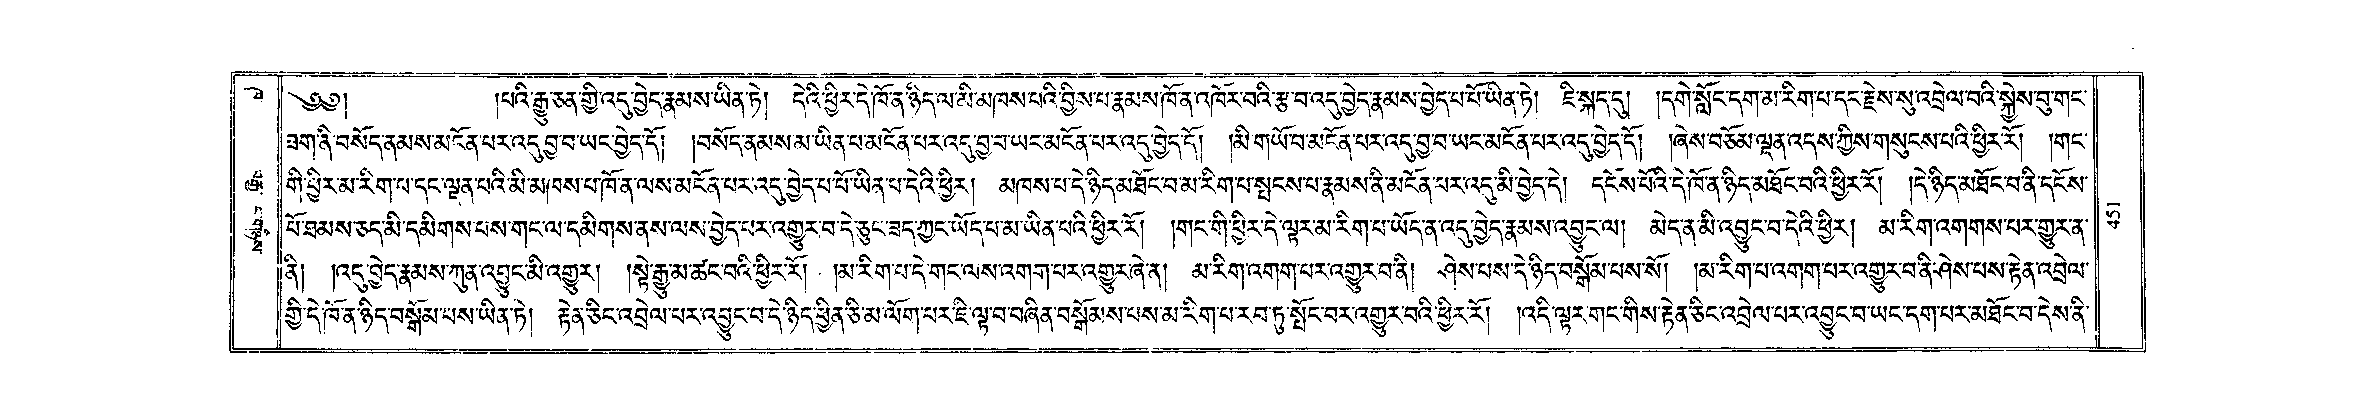༄༅། །པའི་རྒྱུ་ཅན་གྱི་འདུ་བྱེད་རྣམས་ཡིན་ཏེ། དེའི་ཕྱིར་དེ་ཁོ་ན་ཉིད་ལ་མི་མཁས་པའི་བྱིས་པ་རྣམས་ཁོ་ན་འཁོར་བའི་རྩ་བ་འདུ་བྱེད་རྣམས་བྱེད་པ་པོ་ཡིན་ཏེ། ཇི་སྐད་དུ། །དགེ་སློང་དག་མ་རིག་པ་དང་རྗེས་སུ་འབྲེལ་བའི་སྐྱེས་བུ་གང་
ཟག་ནི་བསོད་ནམས་མངོན་པར་འདུ་བྱ་བ་ཡང་བྱེད་དོ། །བསོད་ནམས་མ་ཡིན་པ་མངོན་པར་འདུ་བྱ་བ་ཡང་མངོན་པར་འདུ་བྱེད་དོ། །མི་གཡོ་བ་མངོན་པར་འདུ་བྱ་བ་ཡང་མངོན་པར་འདུ་བྱེད་དོ། །ཞེས་བཅོམ་ལྡན་འདས་ཀྱིས་གསུངས་པའི་ཕྱིར་རོ། །གང་
གི་ཕྱིར་མ་རིག་པ་དང་ལྡན་པའི་མི་མཁས་པ་ཁོ་ན་ལས་མངོན་པར་འདུ་བྱེད་པ་པོ་ཡིན་པ་དེའི་ཕྱིར། མཁས་པ་དེ་ཉིད་མཐོང་བ་མ་རིག་པ་སྤངས་པ་རྣམས་ནི་མངོན་པར་འདུ་མི་བྱེད་དེ། དངོས་པོའི་དེ་ཁོ་ན་ཉིད་མཐོང་བའི་ཕྱིར་རོ། །དེ་ཉིད་མཐོང་བ་ནི་དངོས་
པོ་ཐམས་ཅད་མི་དམིགས་པས་གང་ལ་དམིགས་ནས་ལས་བྱེད་པར་འགྱུར་བ་དེ་ཅུང་ཟད་ཀྱང་ཡོད་པ་མ་ཡིན་པའི་ཕྱིར་རོ། །གང་གི་ཕྱིར་དེ་ལྟར་མ་རིག་པ་ཡོད་ན་འདུ་བྱེད་རྣམས་འབྱུང་ལ། མེད་ན་མི་འབྱུང་བ་དེའི་ཕྱིར། མ་རིག་འགགས་པར་གྱུར་ན་
ནི༑ ༑འདུ་བྱེད་རྣམས་ཀུན་འབྱུང་མི་འགྱུར། །སྟེ་རྒྱུ་མ་ཚང་བའི་ཕྱིར་རོ། །མ་རིག་པ་དེ་གང་ལས་འགག་པར་འགྱུར་ཞེ་ན། མ་རིག་འགག་པར་འགྱུར་བ་ནི། ཤེས་པས་དེ་ཉིད་བསྒོམ་པས་སོ། །མ་རིག་པ་འགགས་པར་འགྱུར་བ་ནི་ཤེས་པས་རྟེན་འབྲེལ་
གྱི་དེ་ཁོ་ན་ཉིད་བསྒོམ་པས་ཡིན་ཏེ། རྟེན་ཅིང་འབྲེལ་པར་འབྱུང་བ་དེ་ཉིད་ཕྱིན་ཅི་མ་ལོག་པར་ཇི་ལྟ་བ་བཞིན་བསྒོམས་པས་མ་རིག་པ་རབ་ཏུ་སྤོང་བར་འགྱུར་བའི་ཕྱིར་རོ། །འདི་ལྟར་གང་གིས་རྟེན་ཅིང་འབྲེལ་པར་འབྱུང་བ་ཡང་དག་པར་མཐོང་བ་དེས་ནི་